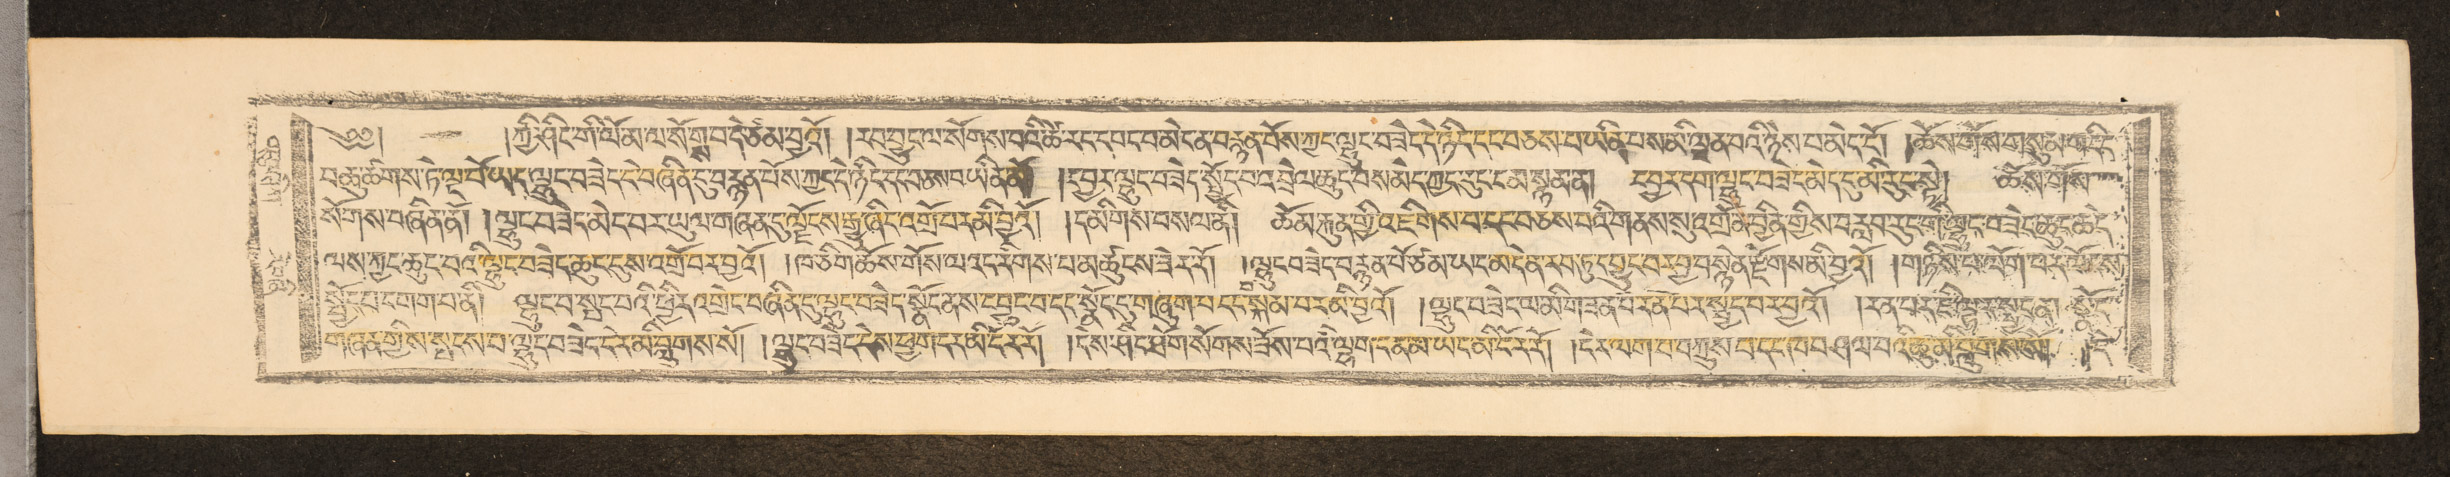༄༅། །ཀྱི་ཤིང་གི་ལོ་མལ་སོགས་པ་དེ་ཙམ་བྱའོ། །རབ་བྱུང་ལ་སོགས་པའི་ཚེ་རང་དབང་བ་མེད་ན་བརྙན་པོས་ཀྱང་ལྷུང་བཟེད་དེ་ཉིད་དང་བཅས་བ་ཡིན་པས་མི་ལྡན་བའི་ཉེས་པ་མེད་དོ། །ཆོས་གོས་གསུམ་གདིང་
བ་ཆུ་ཚགས་ཏེ་ལྔ་པོ་ཡང་ལྷུང་བཟེད་དེ་བཞིན་དུ་བརྙན་པོས་ཀྱང་དེ་ཉིད་དང་བཅས་པ་ཡིན་ནོ། །དབྱར་ལྷུང་བཟེད་སྤྱོད་པ་འབྲེལ་ཆུང་བས་མེད་ཀྱང་རུང་ངམ་སྙམ་ན། དབྱར་དག་ལྷུང་བཟེད་མེད་དུ་མི་རུང་སྟེ། ཆོས་གོས་
སོགས་བཞིན་ནོ། །ལྷུང་བཟེད་མེད་བར་ཡུལ་གཞན་དུ་ལྗོངས་རྒྱུ་ཞིང་འགྲོ་བར་མི་བྱའོ། །དམིགས་བསལ་ནི། ཆོམ་རྐུན་གྱི་འཇིགས་པ་དང་བཅས་བའི་གནས་སུ་འགྲོན་བྱིན་གྱིས་བརླབ་རུང་གི་ལྷུང་བཟེད་ཆུང་ཚད་
ལས་ཀྱང་ཆུང་བའི་ལྷུང་བཟེད་ཆུང་དུས་འགྲོ་བར་བྱའོ། །ཁ་ཅིག་ཆོས་གོས་ལའང་རིགས་བ་མཚུངས་ཟེར་རོ། །ལྷུང་བཟེད་བརྙན་པོ་ཙམ་ཡང་མེད་ན་རབ་ཏུ་དབྱུང་བར་བྱ་བསྙེན་རྫོགས་མི་བྱའོ། །གཉིས་པ་ལོག་པར་ལོངས་
སྤྱོད་པ་དགག་པ་ནི། ལྷུང་བ་སྤང་བའི་ཕྱིར་འགྲེད་བཞིན་དུ་ལྷུང་བཟེད་སྣོང་ནས་དབྱུང་བ་དང་སྣོད་དུ་གཞུག་པ་དང་སྐམ་པར་མི་བྱའོ། །ལྷུང་བཟེད་ལ་མི་གཟན་བ་རན་པར་སྤྱད་པར་བྱའོ། །རན་པར་ཇི་ལྟར་སྤྱད་ན། སྣོད་
གཞན་གྱིས་སྤངས་པ་ལྷུང་བཟེད་དེར་མི་བླུགས་སོ། །ལྷུང་བཟེད་དེས་ཕྱག་དར་མི་དོར་རོ། །དེས་ཤིང་ཐོག་སོགས་ཟོས་པའི་ལྷག་ངན་མ་ཡང་མི་དོར་རོ། །དེར་ལག་པ་བཀྲུས་པ་དང་ཁ་བཤལ་བའི་ཆུ་མི་བླུགས་སོ། །དེ་